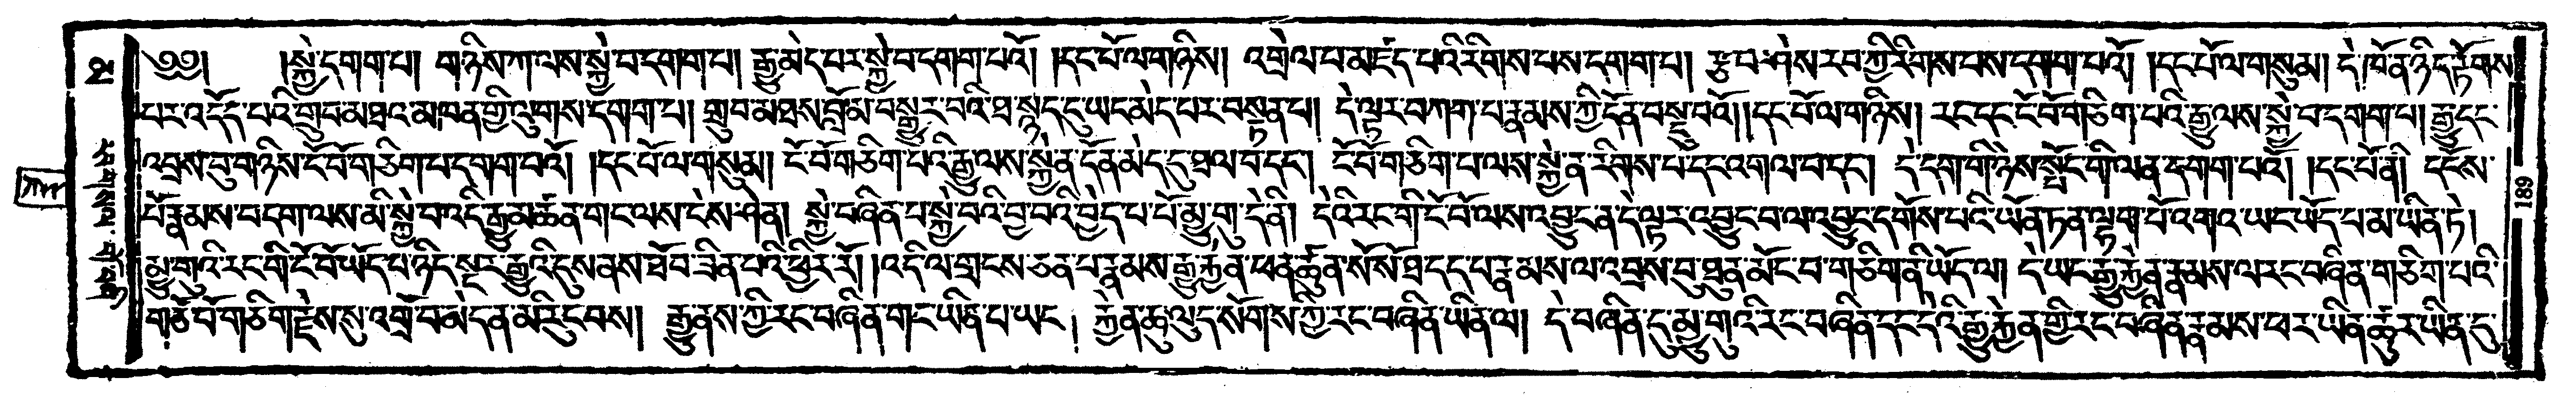༄༅། །སྐྱེ་དགག་པ། གཉིས་ཀ་ལས་སྐྱེ་བ་དགག་པ། རྒྱུ་མེད་པར་སྐྱེ་བ་དགག་པའོ། །དང་པོ་ལ་གཉིས། འགྲེལ་པ་མཛད་པའི་རིགས་པས་དགག་པ། རྩ་བ་ཤེས་རབ་ཀྱི་རིགས་པས་དགག་པའོ། །དང་པོ་ལ་གསུམ། དེ་ཁོ་ན་ཉིད་རྟོགས་
པར་འདོད་པའི་གྲུབ་མཐའ་མཁན་གྱི་ལུགས་དགག་པ། གྲུབ་མཐས་བློ་མ་བསྒྱུར་བའི་ཐ་སྙད་དུ་ཡང་མེད་པར་བསྟན་པ། དེ་ལྟར་བཀག་པ་རྣམས་ཀྱི་དོན་བསྡུ་བའོ། །དང་པོ་ལ་གཉིས། རང་དང་ངོ་བོ་གཅིག་པའི་རྒྱུ་ལས་སྐྱེ་བ་དགག་པ། རྒྱུ་དང་
འབྲས་བུ་གཉིས་ངོ་བོ་གཅིག་པ་དགག་པའོ། །དང་པོ་ལ་གསུམ། ངོ་བོ་གཅིག་པའི་རྒྱུ་ལས་སྐྱེ་ན་དོན་མེད་དུ་ཐལ་བ་དང་། ངོ་བོ་གཅིག་པ་ལས་སྐྱེ་ན་རིགས་པ་དང་འགལ་བ་དང་། དེ་དག་གི་ཉེས་སྤོང་གི་ལན་དགག་པའོ། །དང་པོ་ནི། དངོས་
པོ་རྣམས་བདག་ལས་མི་སྐྱེ་བ་འདི་རྒྱུ་མཚན་གང་ལས་ངེས་ཤེ་ན། སྐྱེ་བཞིན་པ་སྐྱེ་བའི་བྱ་བའི་བྱེད་པ་པོ་མྱུ་གུ་དེ་ནི། དེའི་རང་གི་ངོ་བོ་ལས་བྱུང་ན་དེ་ལྟར་འབྱུང་བ་ལ་འབྱུང་དགོས་པའི་ཡོན་ཏན་ལྷག་པོ་འགའ་ཡང་ཡོད་པ་མ་ཡིན་ཏེ།
མྱུ་གུའི་རང་གི་ངོ་བོ་ཡོད་པ་ཉིད་སྔར་རྒྱུའི་དུས་ནས་ཐོབ་ཟིན་པའི་ཕྱིར་རོ། །འདི་ལ་གྲངས་ཅན་པ་རྣམས་རྒྱུ་རྐྱེན་ཕན་ཚུན་སོ་སོ་ཐ་དད་པ་རྣམས་ལ་འབྲས་བུ་ཐུན་མོང་བ་གཅིག་ནི་ཡོད་ལ། དེ་ཡང་རྒྱུ་རྐྱེན་རྣམས་ལ་རང་བཞིན་གཅིག་པའི་
གཙོ་བོ་གཅིག་རྗེས་སུ་འགྲོ་བ་མེད་ན་མི་རུང་བས། རྒྱུ་ནས་ཀྱི་རང་བཞིན་གང་ཡིན་པ་ཡང་། རྐྱེན་ཆུ་ལུད་སོགས་ཀྱི་རང་བཞིན་ཡིན་ལ། དེ་བཞིན་དུ་མྱུ་གུའི་རང་བཞིན་དང་དེའི་རྒྱུ་རྐྱེན་གྱི་རང་བཞིན་རྣམས་ཕར་ཡིན་ཚུར་ཡིན་དུ་